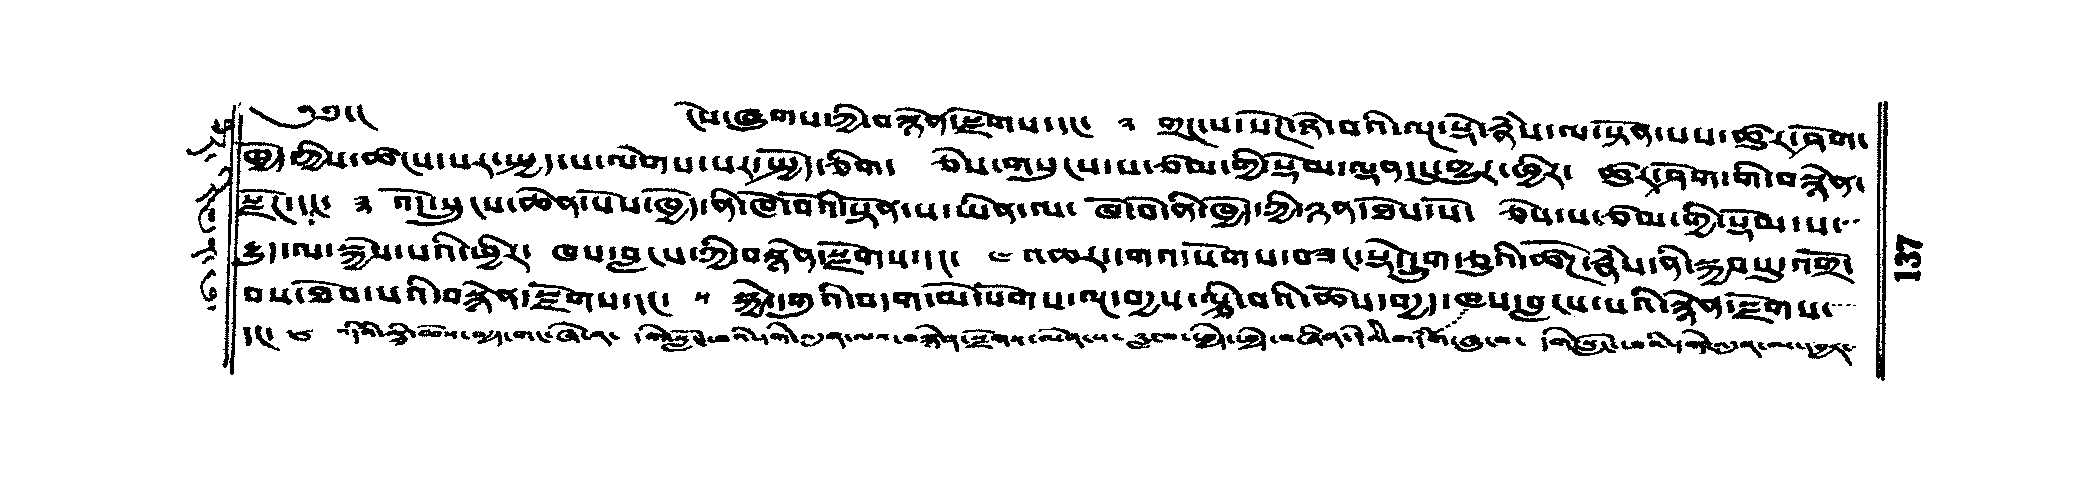ངེསཔཞུགསཔཀྱིཔབསྙེནཔརྫོགསཔདངཔ། ༢ གྲགསཔ་པསོགསཔཉེཔབའིཔལྔཔསྡེཔརྣམསཔལཔསྟོནཔ་སཔཚུརཔཤོག་
ཁྱོདཔཀྱིསཔཚངསཔ་རཔསྤྱདཔ་པལེགསཔ་རཔསྤྱོདཔཅིག ཅེསཔགསུངསཔ་པཙམཔགྱིཔསྡོམཔལྡནཔདུཔགྱུརཔཕྱིརཔཚུརཔཤོགཔགིཔབསྙེན་
རྫོགསཔདངཔ། ༣ འོདཔསྲུངསཔཆེནཔ་ོསཔཁྱོདཔནིཔཁོཔབོའིཔསྟོནཔ་པཡིནཔལ། ཁོཔབོཔནིཔཁྱོདཔཀྱིཔཉནཔཐོསཔསོ། ཞེསཔ་པཙམཔགྱིཔསྡོམཔ་
པརྒྱུདཔལཔེསཔ་འིཔཕྱིརཔཁསཔབླངསཔཀྱིཔབསྙེནཔརྫོགསཔདངཔ། ༤ འཆརཔཀཔསོགསཔབཟངཔསྡེཔདྲུགཔཅུའིཔཚོགསཔརྣམསཔནིཔབསཔསུཔའགྲོ
བསཔཐོབཔ་འིཔབསྙེནཔརྫོགསཔདངཔ། ༥ ེཔདགུའིཔབདགཔམོཔསོགསཔལྔཔབརྒྱསཔལྕིཔབའིཔཆོསཔབརྒྱདཔཁསཔབླངསཔ་འིཔབསྙེནཔརྫོགསཔདངཔ། ༦